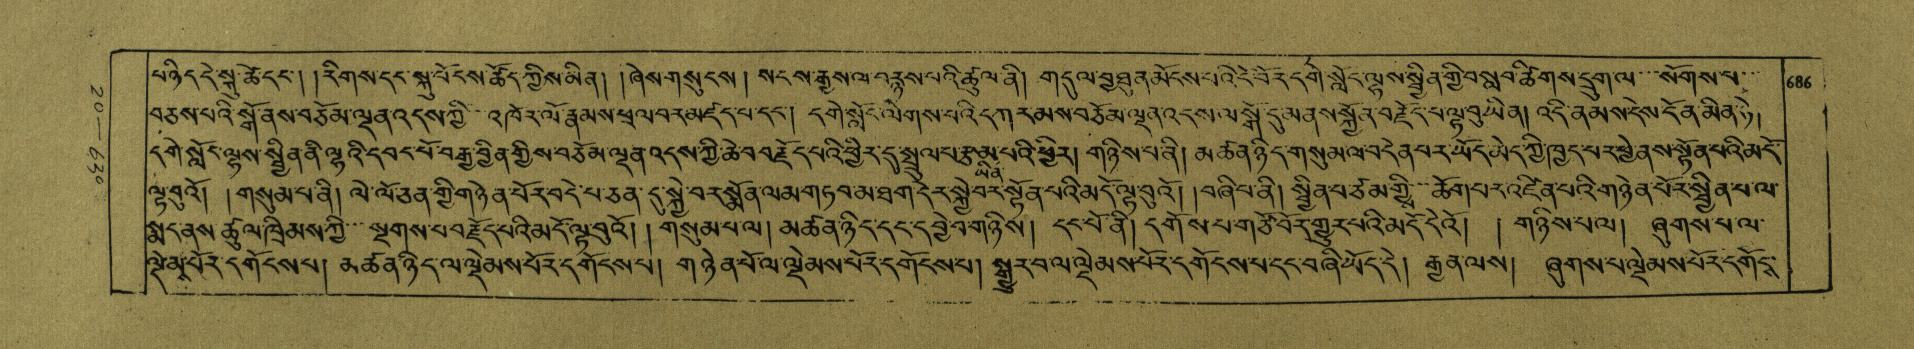པ་ཉིད་དེ་སྐུ་ཚེ་དང་། །རིགས་དང་སྐུ་པོ་ངས་ཚོད་ཀྱིས་མིན། །ཞེས་གསུངས། སངས་རྒྱས་ལ་བརྙས་པའི་ཚུལ་ནི། གདུལ་བྱ་ཐུན་མོངས་པའི་ངོ་བོར་དགེ་སློང་ལྷས་སྦྱིན་གྱི་བསླབ་ཚིགས་དྲུག་ལ་སོགས་པ་
བཅས་པའི་སྒོ་ནས་བཅོམ་ལྡན་འདས་ཀྱི་འཁོར་ལོ་རྣམས་ཕྲལ་བར་མཛད་པ་དང་། དགེ་སློང་ལེགས་པའི་དཀར་མས་བཅོམ་ལྡན་འདས་ལ་སྒོ་དུ་མ་ནས་སྐྱོན་བརྗོད་པ་ལྟ་བུ་ཡིན། འདི་ནམས་དེས་དོན་མིན་ཏེ།
དགེ་སློང་ལྷས་སྦྱིན་ནི་ལྷའི་དབང་པོ་བརྒྱ་བྱིན་གྱིས་བཅོམ་ལྡན་འདས་ཀྱི་ཆེ་བ་བརྗོད་པའི་ཕྱིར་དུ་སྤྲུལ་པ་རྩམ་ཡིན་པའི་ཕྱིར། གཉིས་པ་ནི། མཚན་ཉིད་གསུམ་ལ་བདེན་པར་ཡོད་མེད་ཀྱི་ཁྱད་པར་ཕྱེ་ནས་སྟོན་པའི་མདོ་
ལྟ་བུའོ། །གསུམ་པ་ནི། ལེ་ལོ་ཅན་གྱི་གཉེན་པོར་བདེ་བ་ཅན་དུ་སྐྱེ་བར་སྨོན་ལམ་གཏབ་མ་ཐག་དེར་སྐྱེ་བར་སྟོན་པའི་མདོ་ལྟ་བུའོ། །བཞི་པ་ནི། སྦྱིན་པ་ཙམ་གྱིས་ཆོག་པར་འཛིན་པའི་གཉེན་པོར་སྦྱིན་པ་ལ་
སྨད་ནས་ཚུལ་ཁྲིམས་ཀྱི་སྔགས་པ་བརྗོད་པའི་མདོ་ལྟ་བུའོ། །གསུམ་པ་ལ། མཚན་ཉིད་དང་དབྱེ་བ་གཉིས། དང་པོ་ནི། དགོས་པ་གཙོ་བོར་གྱུར་པའི་མདོ་དེའོ། །གཉིས་པ་ལ། ཞུགས་པ་ལ་
ལྡེམས་པོར་དགོངས་པ། མཚན་ཉིད་ལ་ལྡེམས་པོར་དགོངས་པ། གཉེན་པོ་ལ་ལྡེམས་པོར་དགོངས་པ། སྒྱུར་བ་ལ་ལྡེམས་པོར་དགོངས་པ་དང་བཞི་ཡོད་དེ། རྒྱན་ལས། ཞུགས་པ་ལྡེམས་པོར་དགོངས་